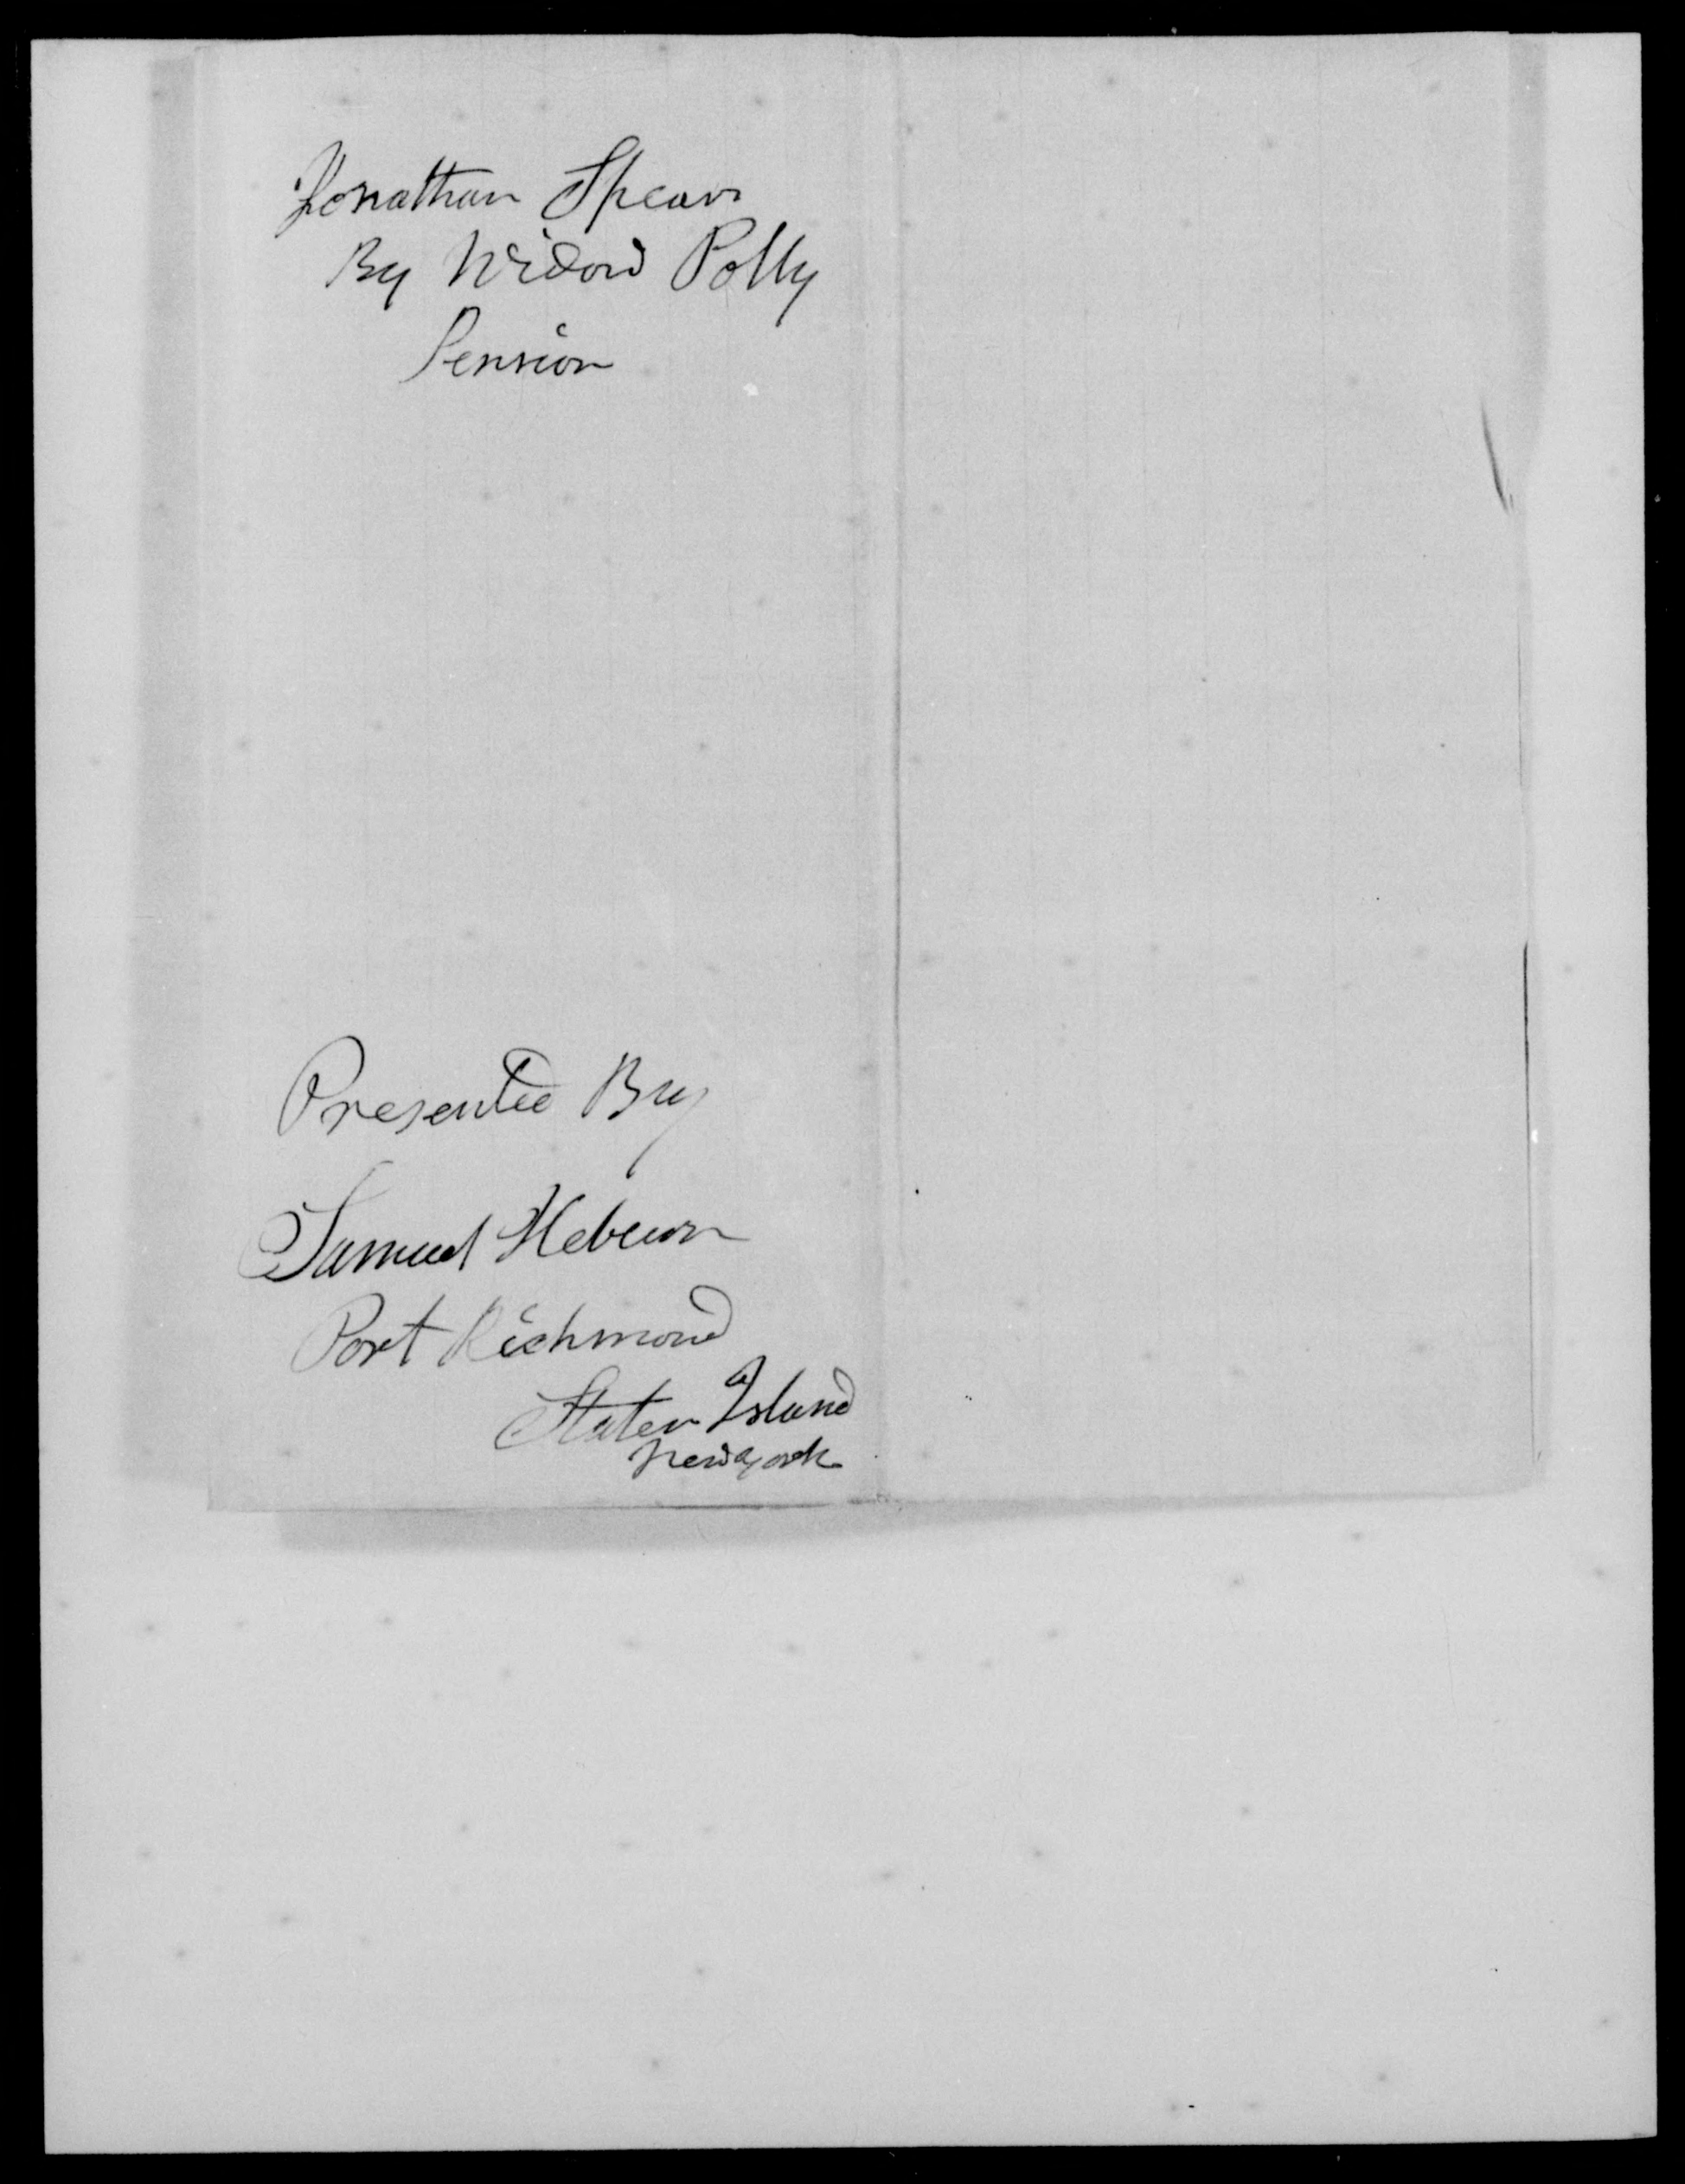Jonathan Spear by Widow Polly Pension

Presented by 
Samuel Heburn
Port Richmond
Staten Island
New York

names: Jonathan Spear; Samuel Heburn; Polly Spear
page: 54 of 65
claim: widow's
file: W. 7197, for Jonathan Spear, Vermont